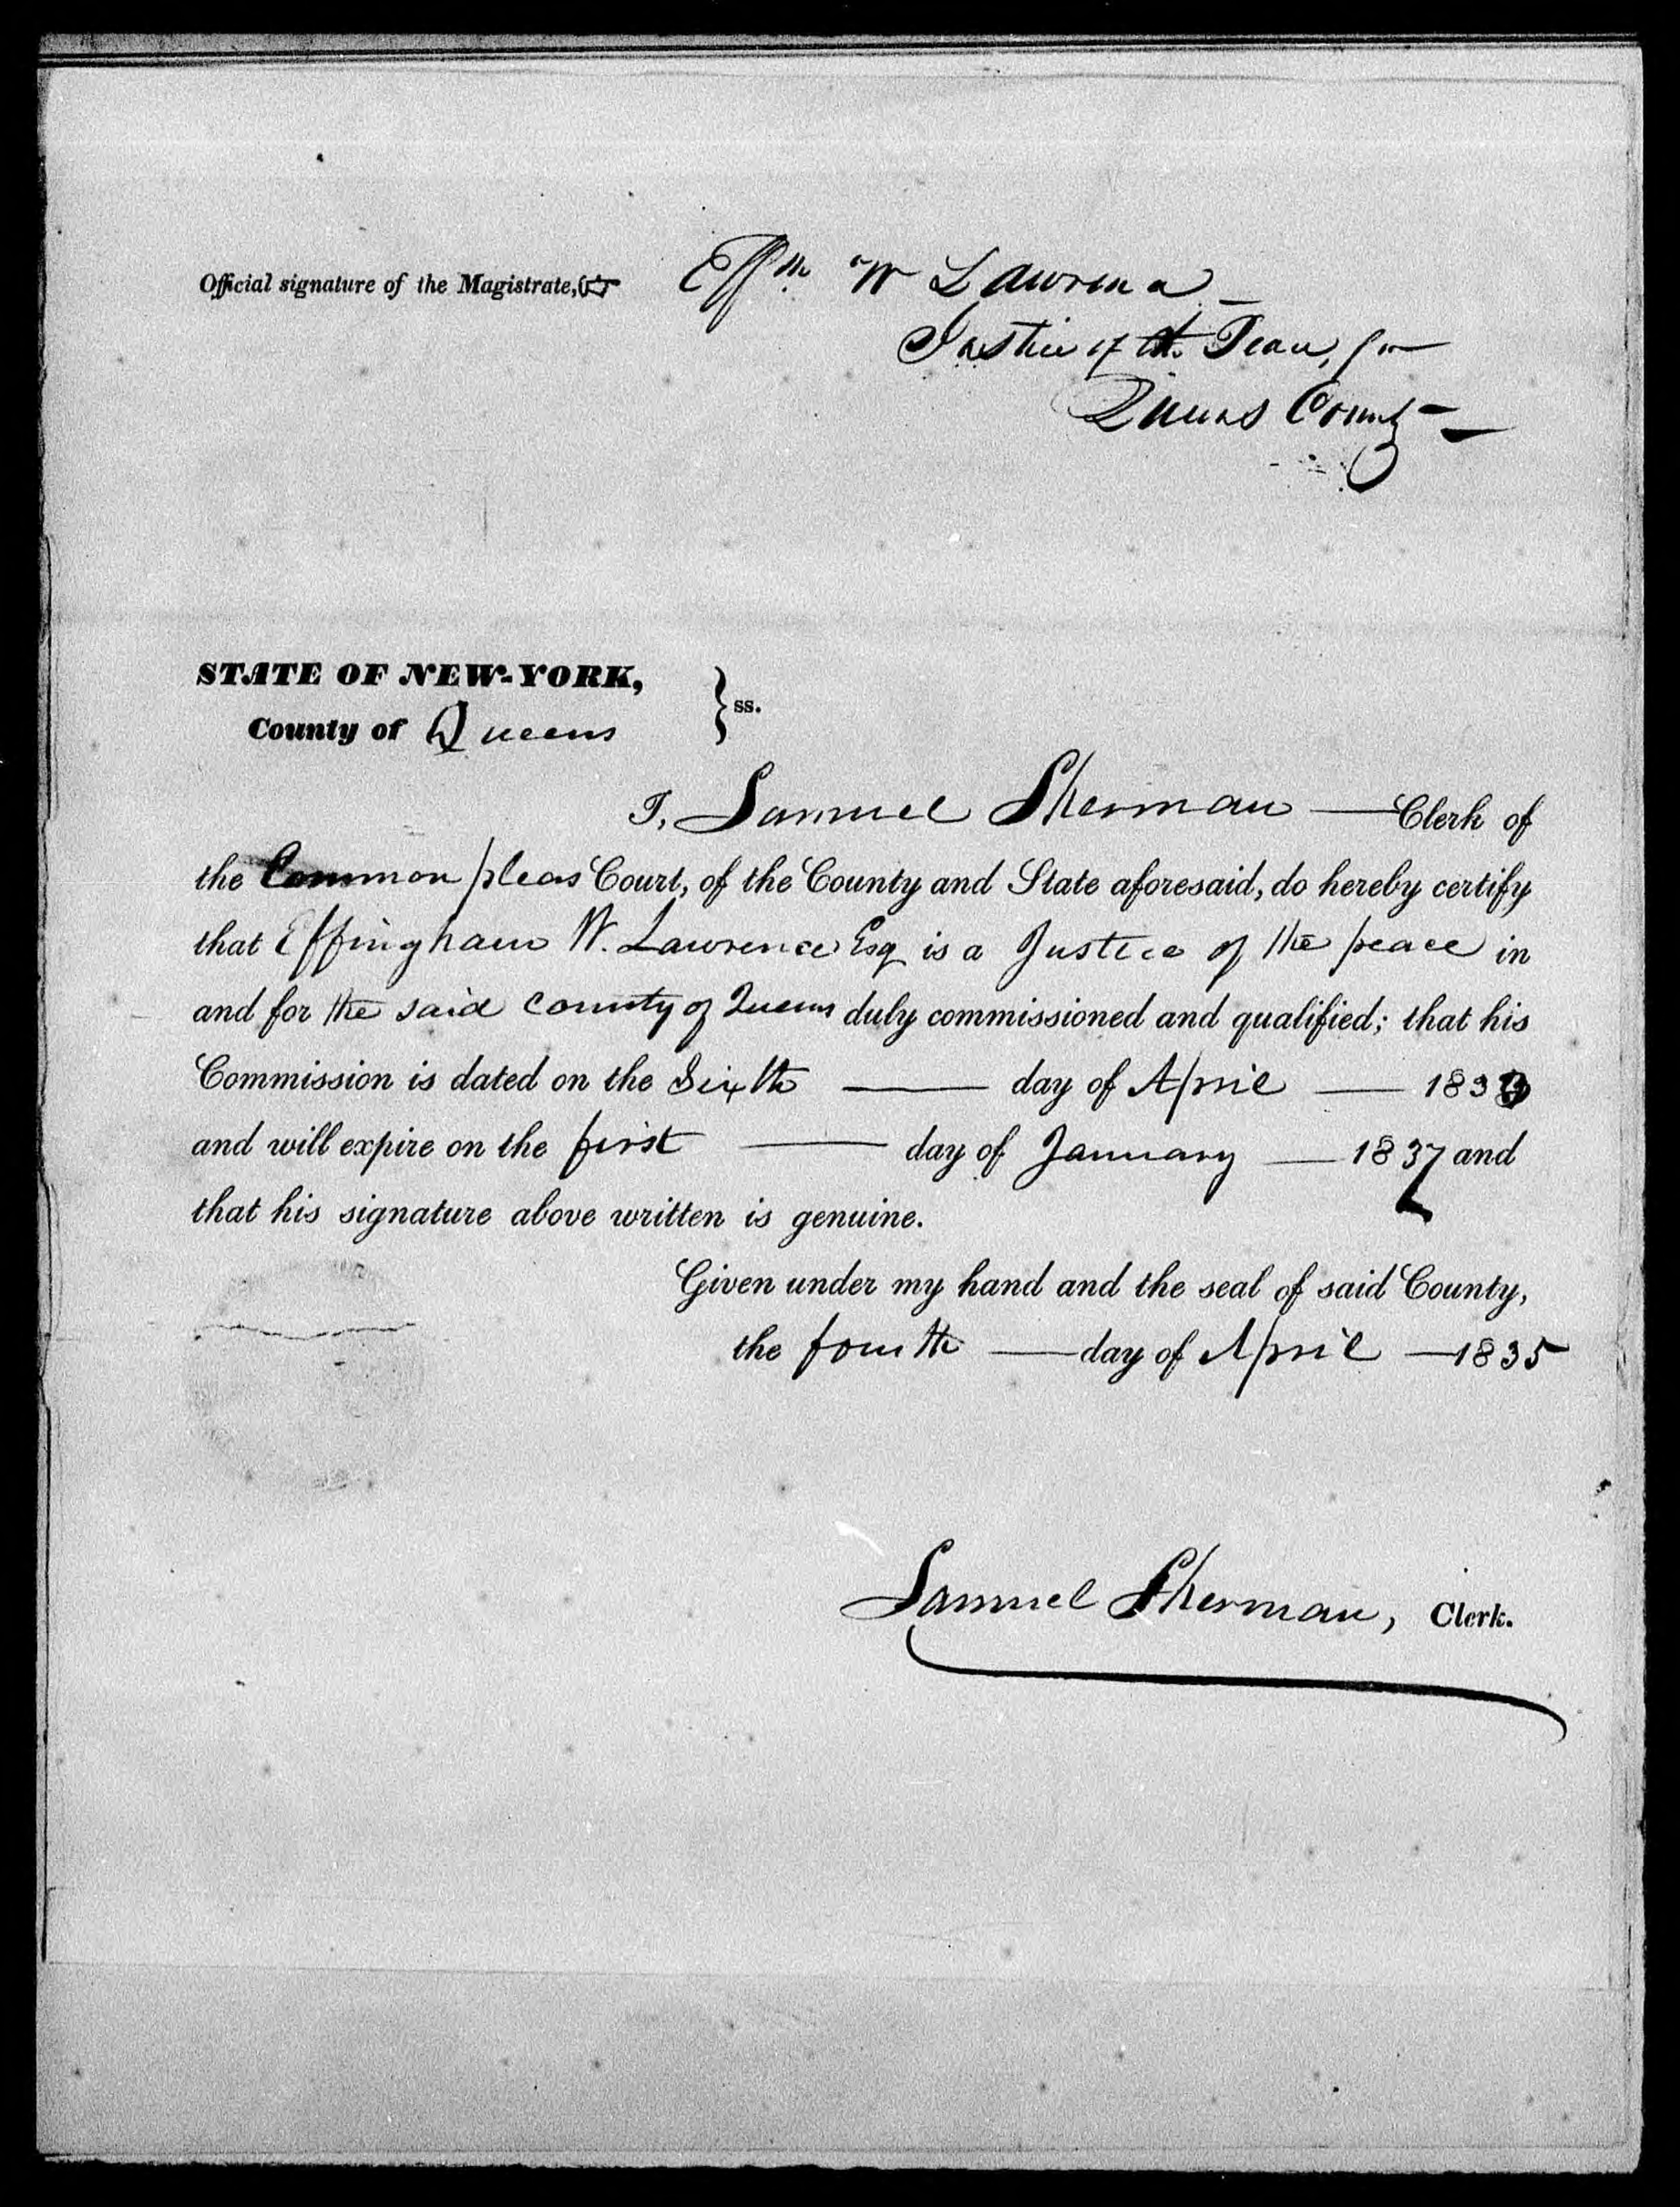STATE OF NEW YORK
County of Queens } SS.
I, Samuel Sherman - Clerk of the Common pleas Court, of the County and State aforesaid, do hereby certify that Effinghaur W. Lawrence Esq is a Justice of the peace in and for the said county of Queens duly commissioned and qualified; that his Commission is dated on the Sixth - day of April - 1833 and will expire of the first - day of January- 1837 and that his signature above written is genuine.
Given under my hand and the seal of said County, the fourth - day of April - 1835
[signed] Samuel Sherman, Clerk.
[illegible circular seal on lower left of page]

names: Samuel Sherman, Samuel Sherman, W Lawrence, Wm W Lawrence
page: 53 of 54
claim: survivor's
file: S. 13,043, Samuel Foster, Conn.